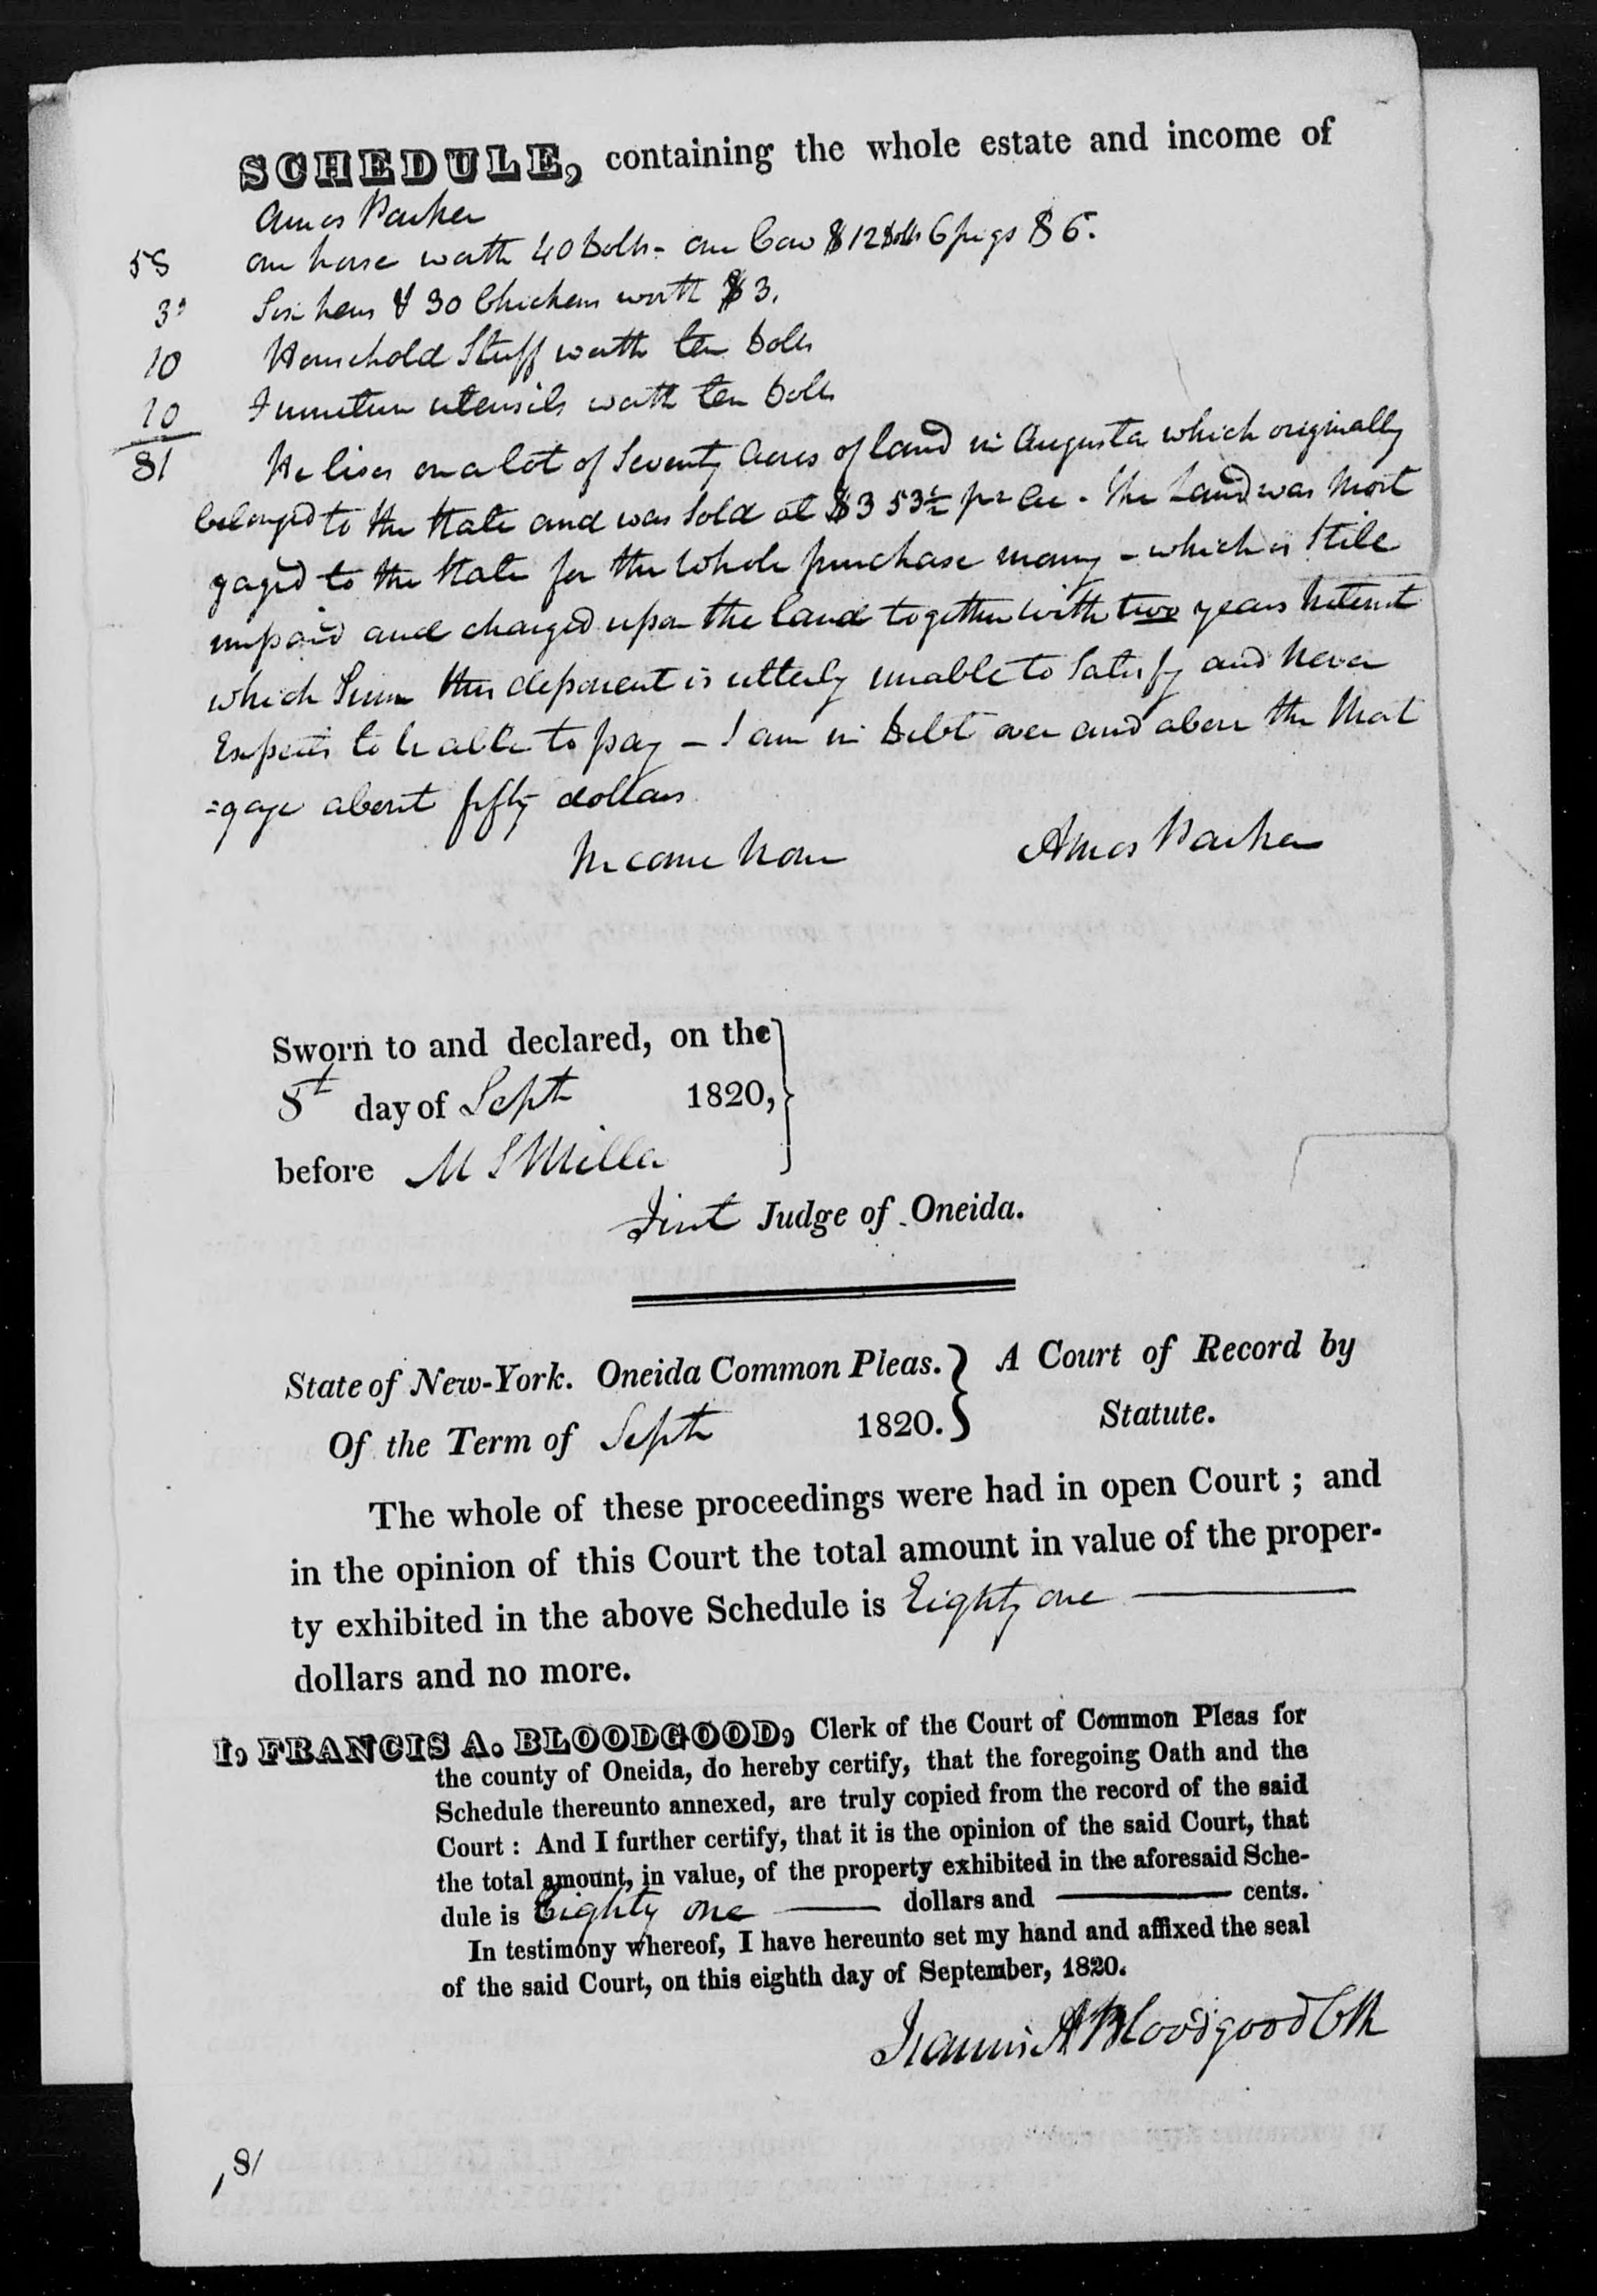SCHEDULE, containing the whole estate and income of
Amos Parker
one horse worth 40 Dolls -  one Cow $20 Dolls 6 pigs $6
Six hens & 30 Chickens worth $3.
Household Stuff worth ten Dolls
Furniture utensils worth ten Dolls
He lives on a lot of Seventy Acres of land in Augusta which originally
belonged to the State and was sold at $3 53 1/2 per Ac. the land was mortgaged 
to the State for the whole purchase money -which is still
unpaid and charged upon the land together with two years Interest
which sum this deponent is utterly unable to satisfy and never
expects to be able to pay. I am in debt are and above the Mortgage
about fifty dollars
Income Now  Amos Parker
Sworn to and declared, on the }
8t day of Sept 1820, }
before M L Miller }
First Judge of Oneida.
State of New-York. Oneida Common Pleas  } A Court of Record by
Of the Term of Sept 1820. } Statute.
The whole of these proceedings were had in open Court; and
in the opinion of this Court the total amount in value of the property
exhibited in the above schedule is eighty one
dollars and no more.
I FRANCIS A. BLOODGOOD, Clerk of the Court of Common Pleas for
the county of Oneida, do hereby certify, that the foregoing Oath and the
Schedule thereunto annexed, are truly copied from the record of the said
Court: And I further certify, that it is the opinion of the said Court, that the
total amount, in value of the property exhibited in the aforesaid Schedule
is eighty one dollars and cents.
In testimony Whereof, I have hereunto set my hand and affixed the seal
of the said Court, on this eighth day of September, 1820.
Francis A. Bloodgood Clk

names: Francis A Bloodgood; M S Miller; Amos Parker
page: 4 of 31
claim: survivor's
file: S. 43766, for Amos Parker, Connecticut